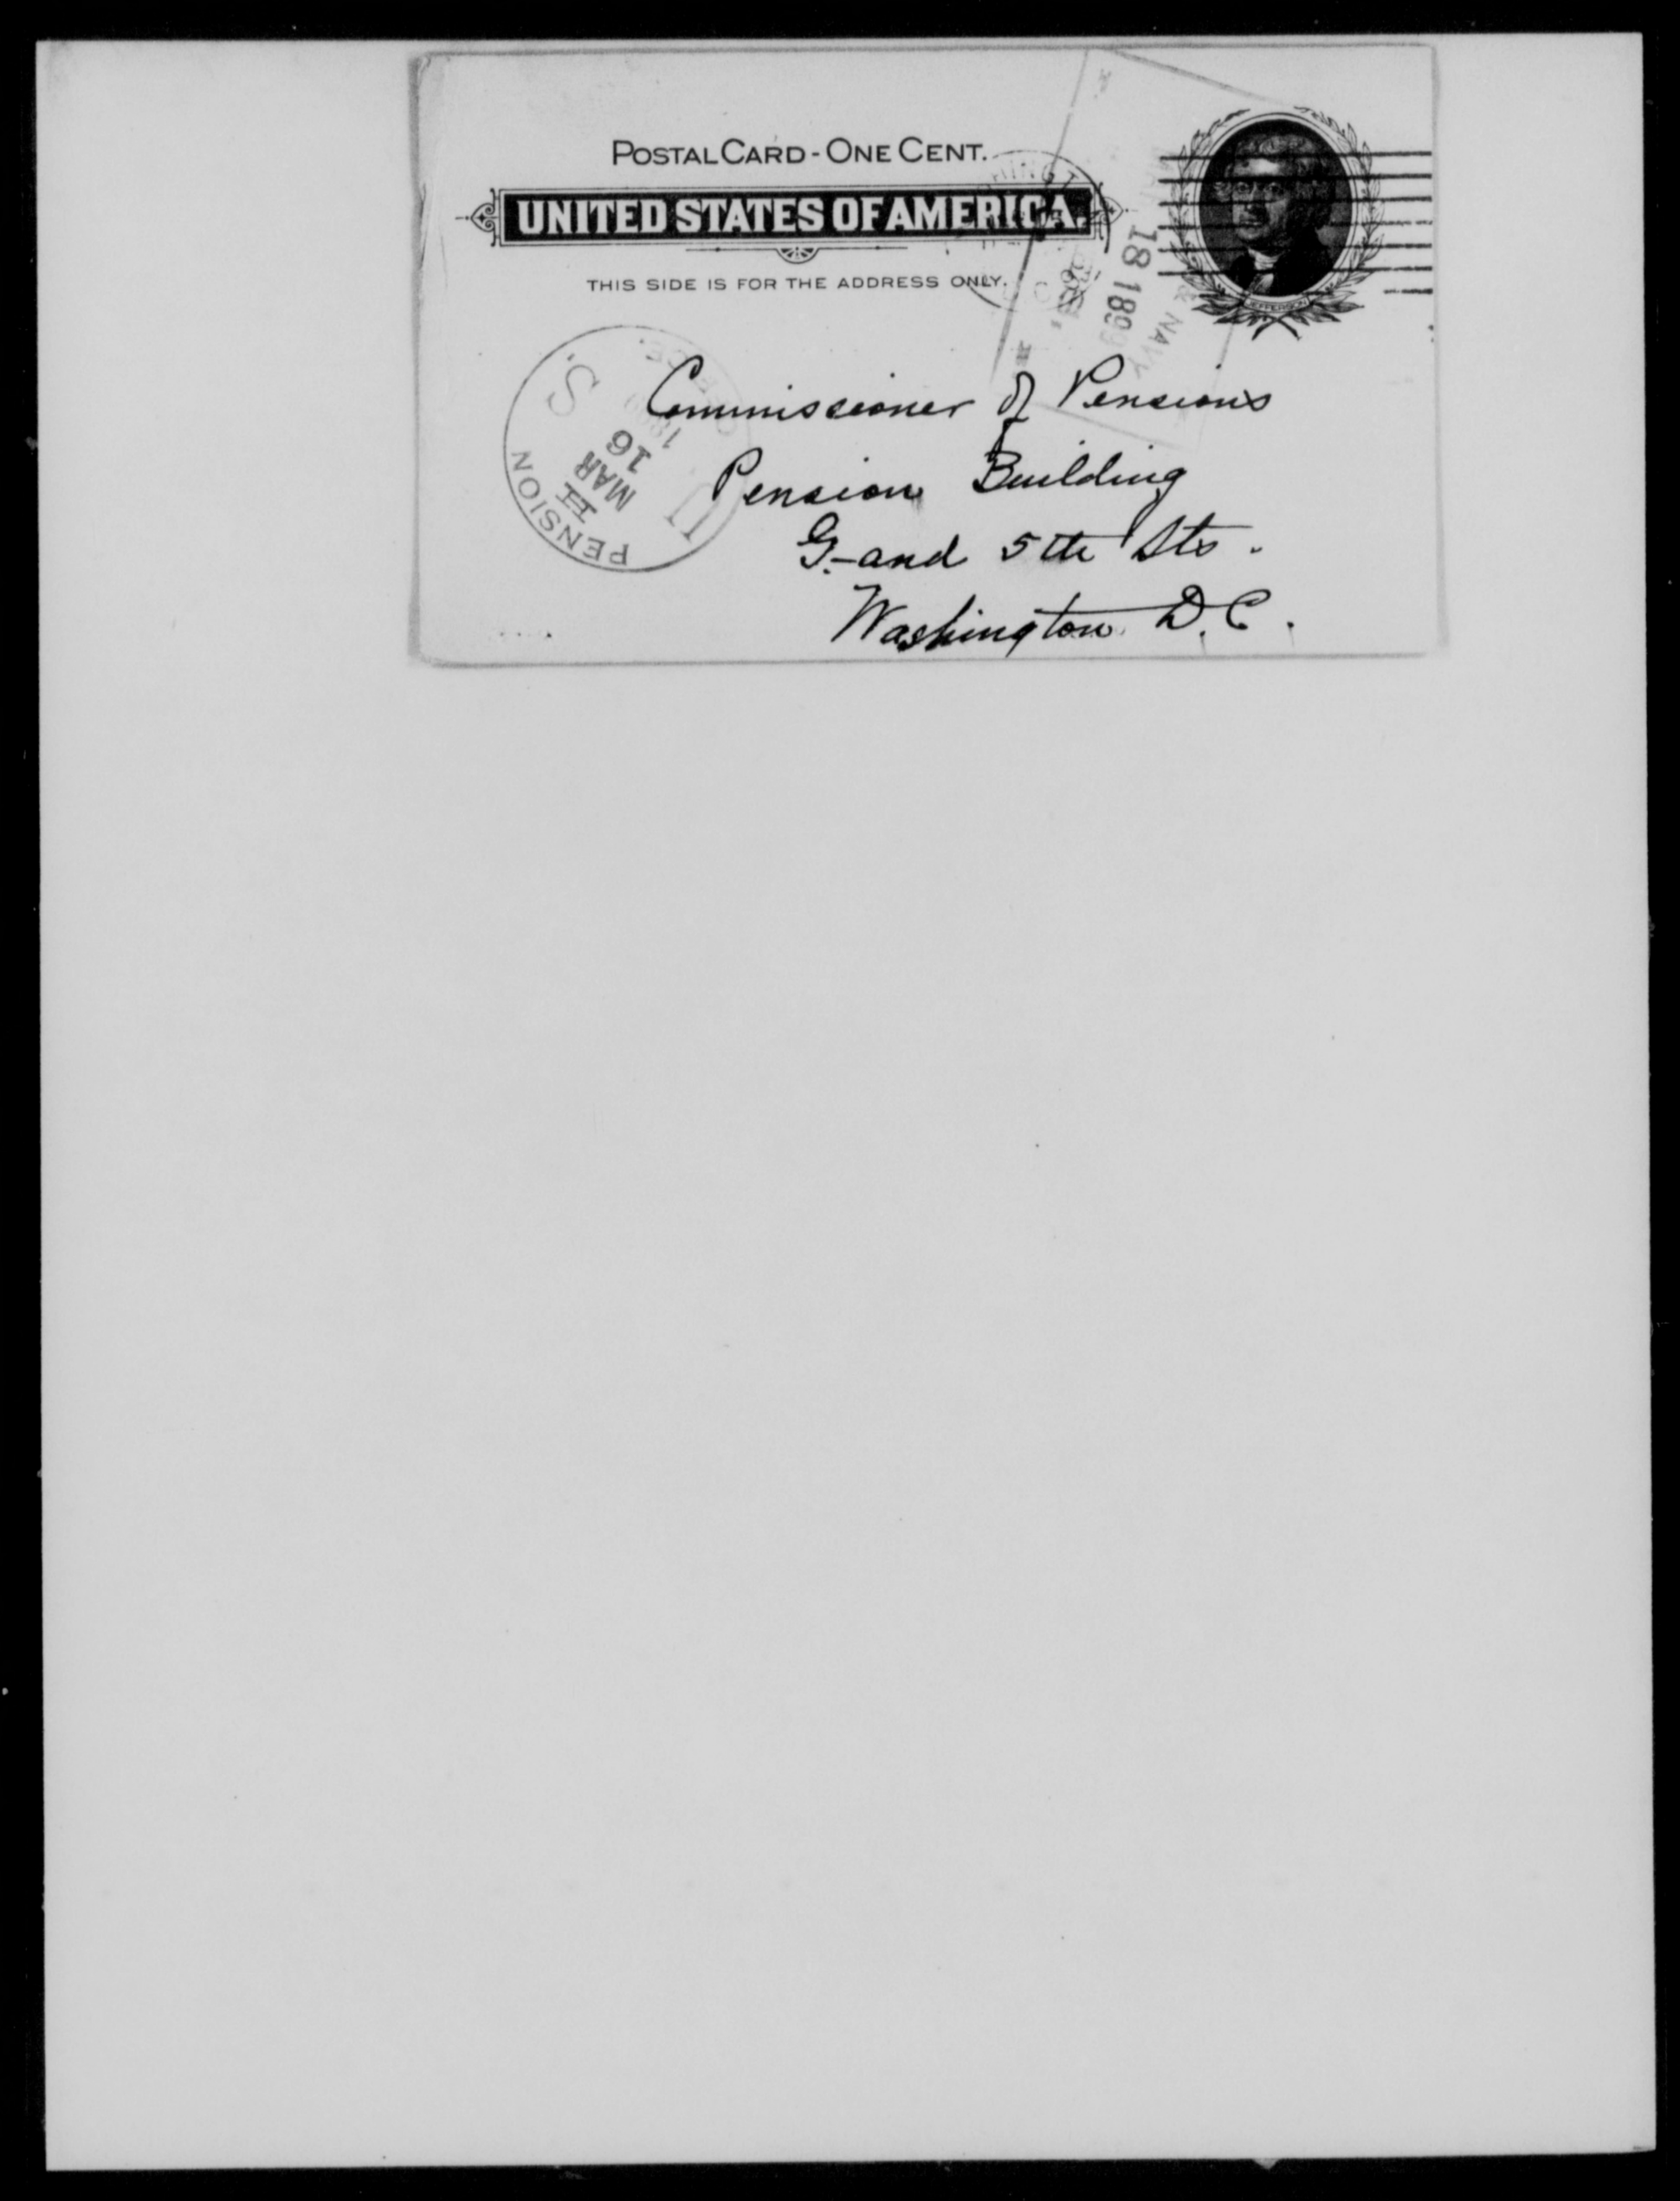Postal Card - One Cent
UNITED STATES OF AMERICA
This side is for the address only
[postage stamp]
[postal stamp] U.S. PENSION OFFICE MAR 16 1899

Commissioner of Pensions
Pension Building
G and 5th Sts
Washington D.C.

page: 43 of 101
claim: widow's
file: W. 25481, for Peter V Tilyou, New Jersey